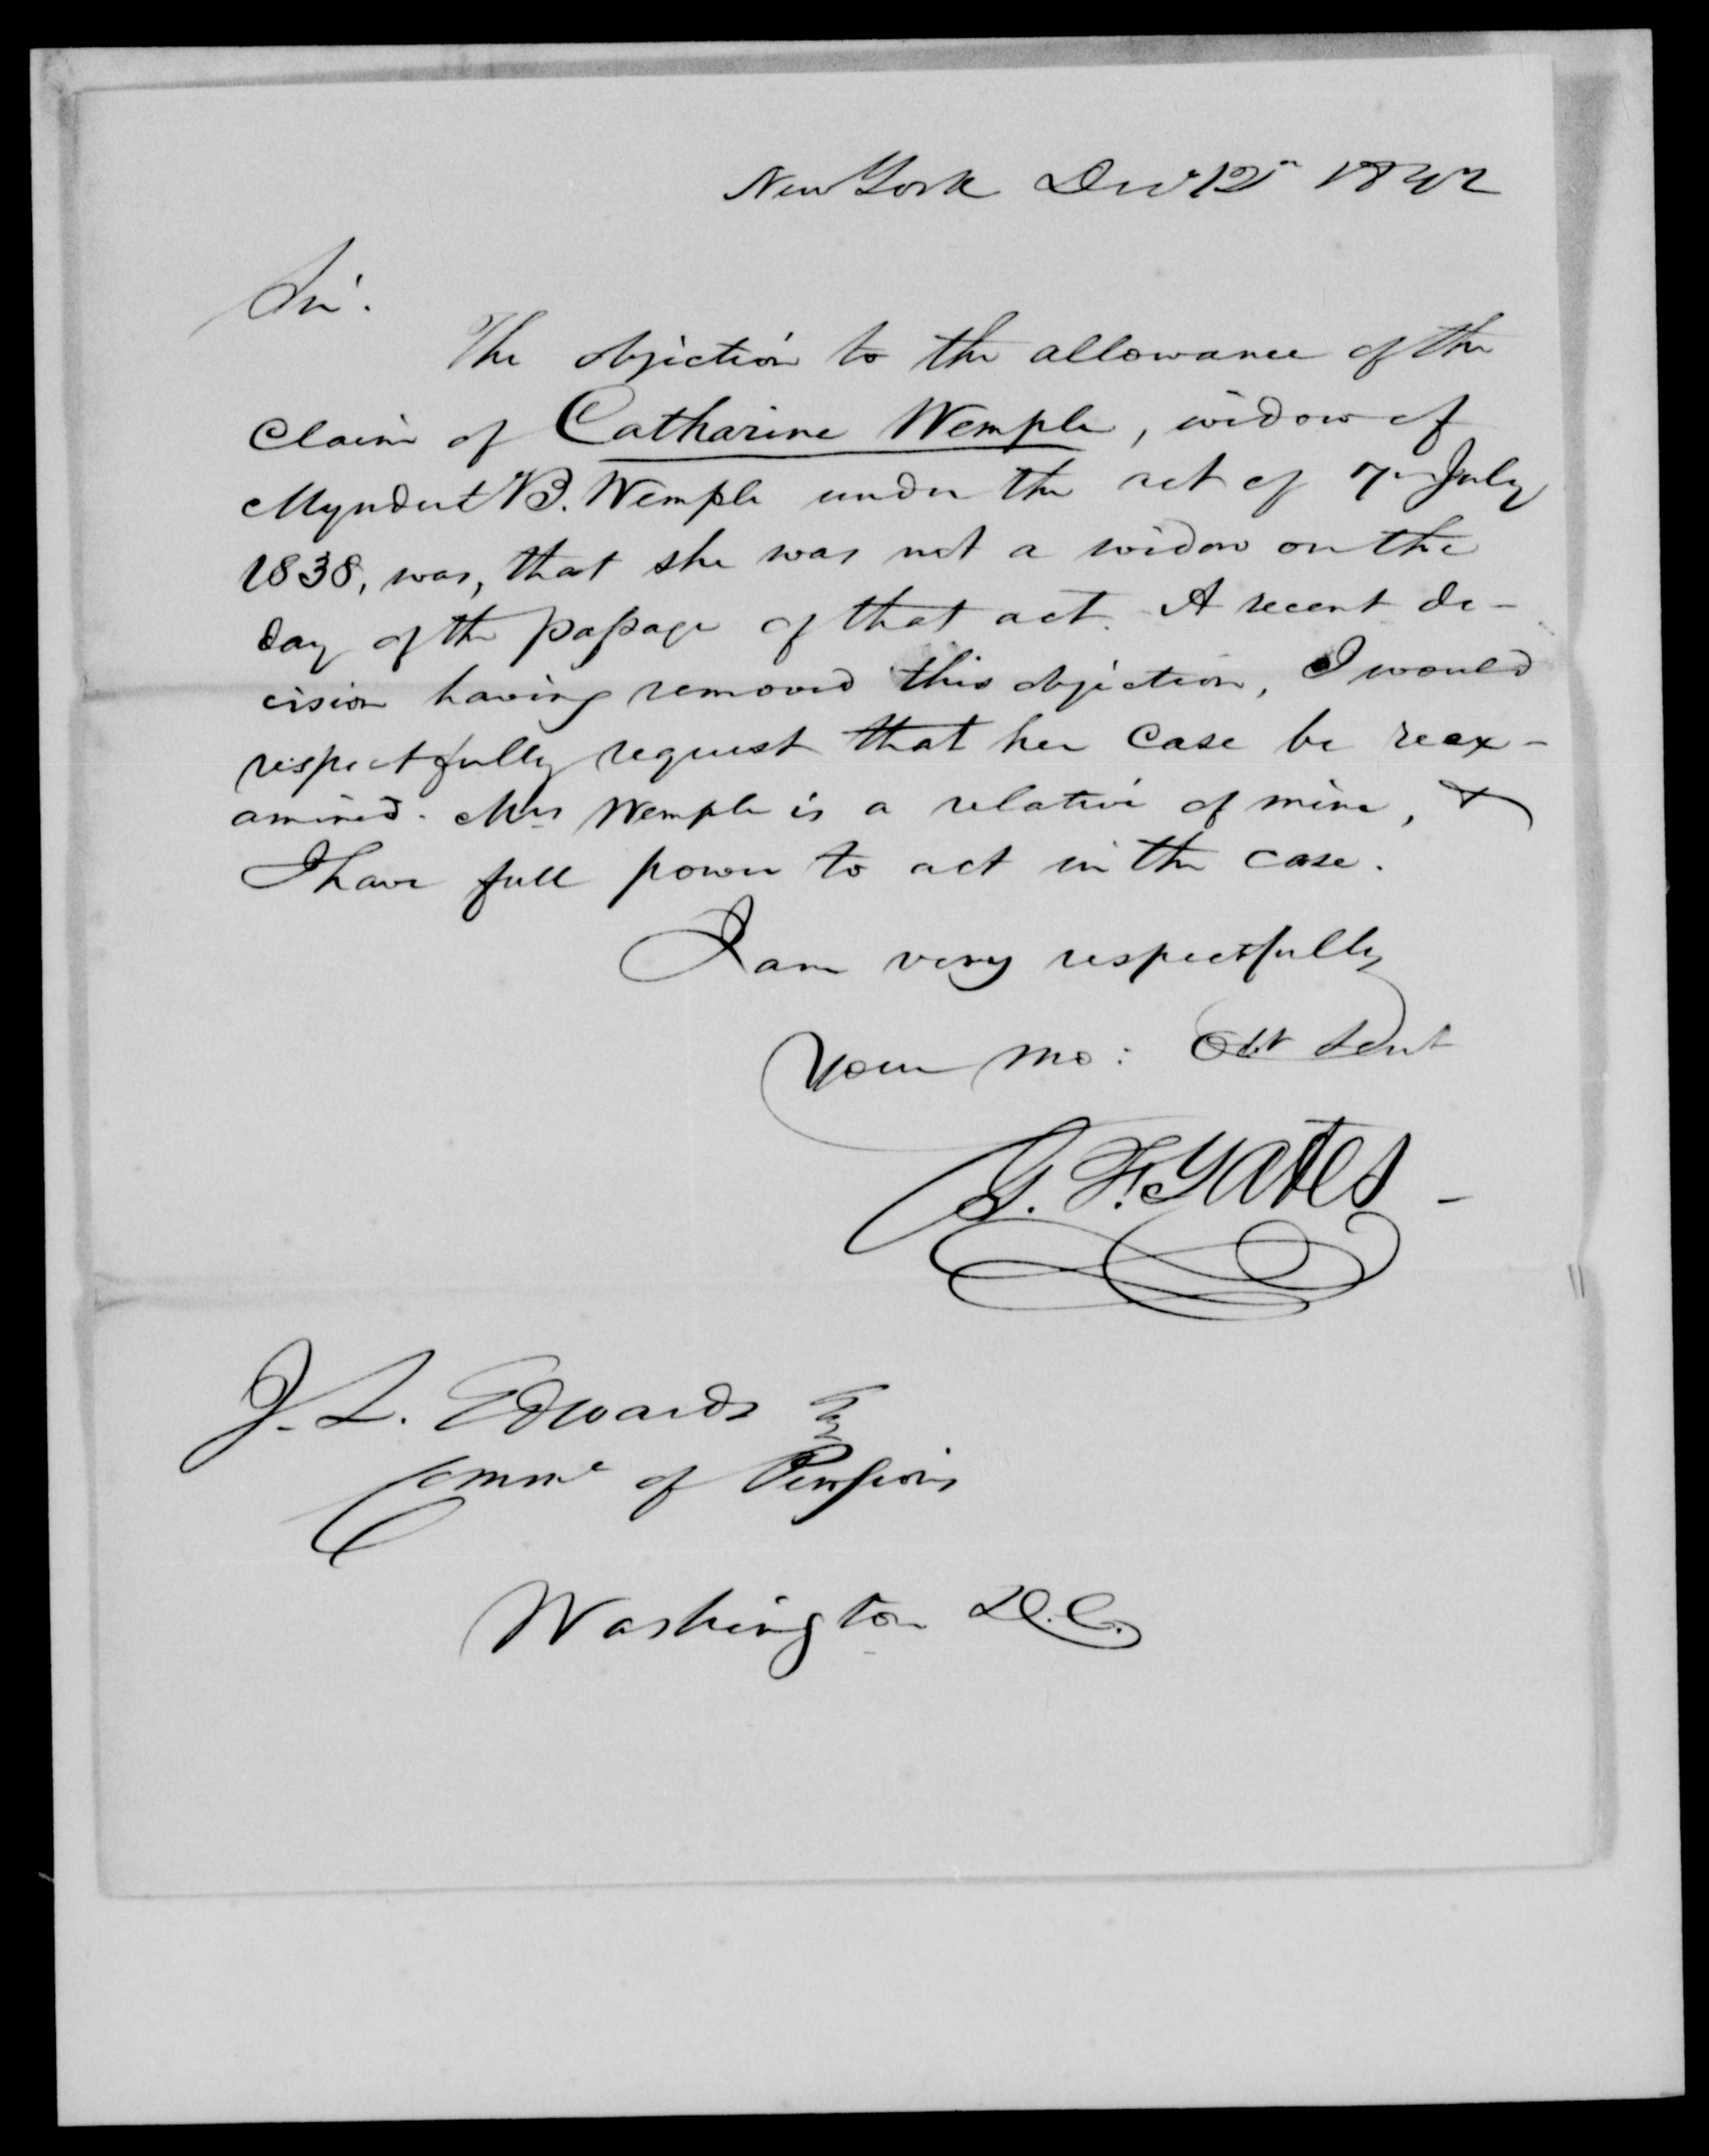New York Dec 12th 1842
Sir:
The objection to the allowance of the
claim of Catharine Wemple, widow of
Myndert B. Wemple under the act of 7 July
1838, was, that she was not a widow on the
day of the passage of that act. A recent decision having removed this objection, I would
respectfully request that her case be reexamined.
Mrs Wemple is a relative of mine, &
I have full power to act in the case.

I am very respectfully
your mo: Obt. Sent
G. F. Yates

J. L. Edwards (Esq?)
Comm of Pensions
Washington D.C.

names: J L Edwards, G F Yates, Catharine Wemple, Myndert B Wemple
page: 27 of 51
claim: widow's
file: W. 19604, Myndert B Wemple, New York